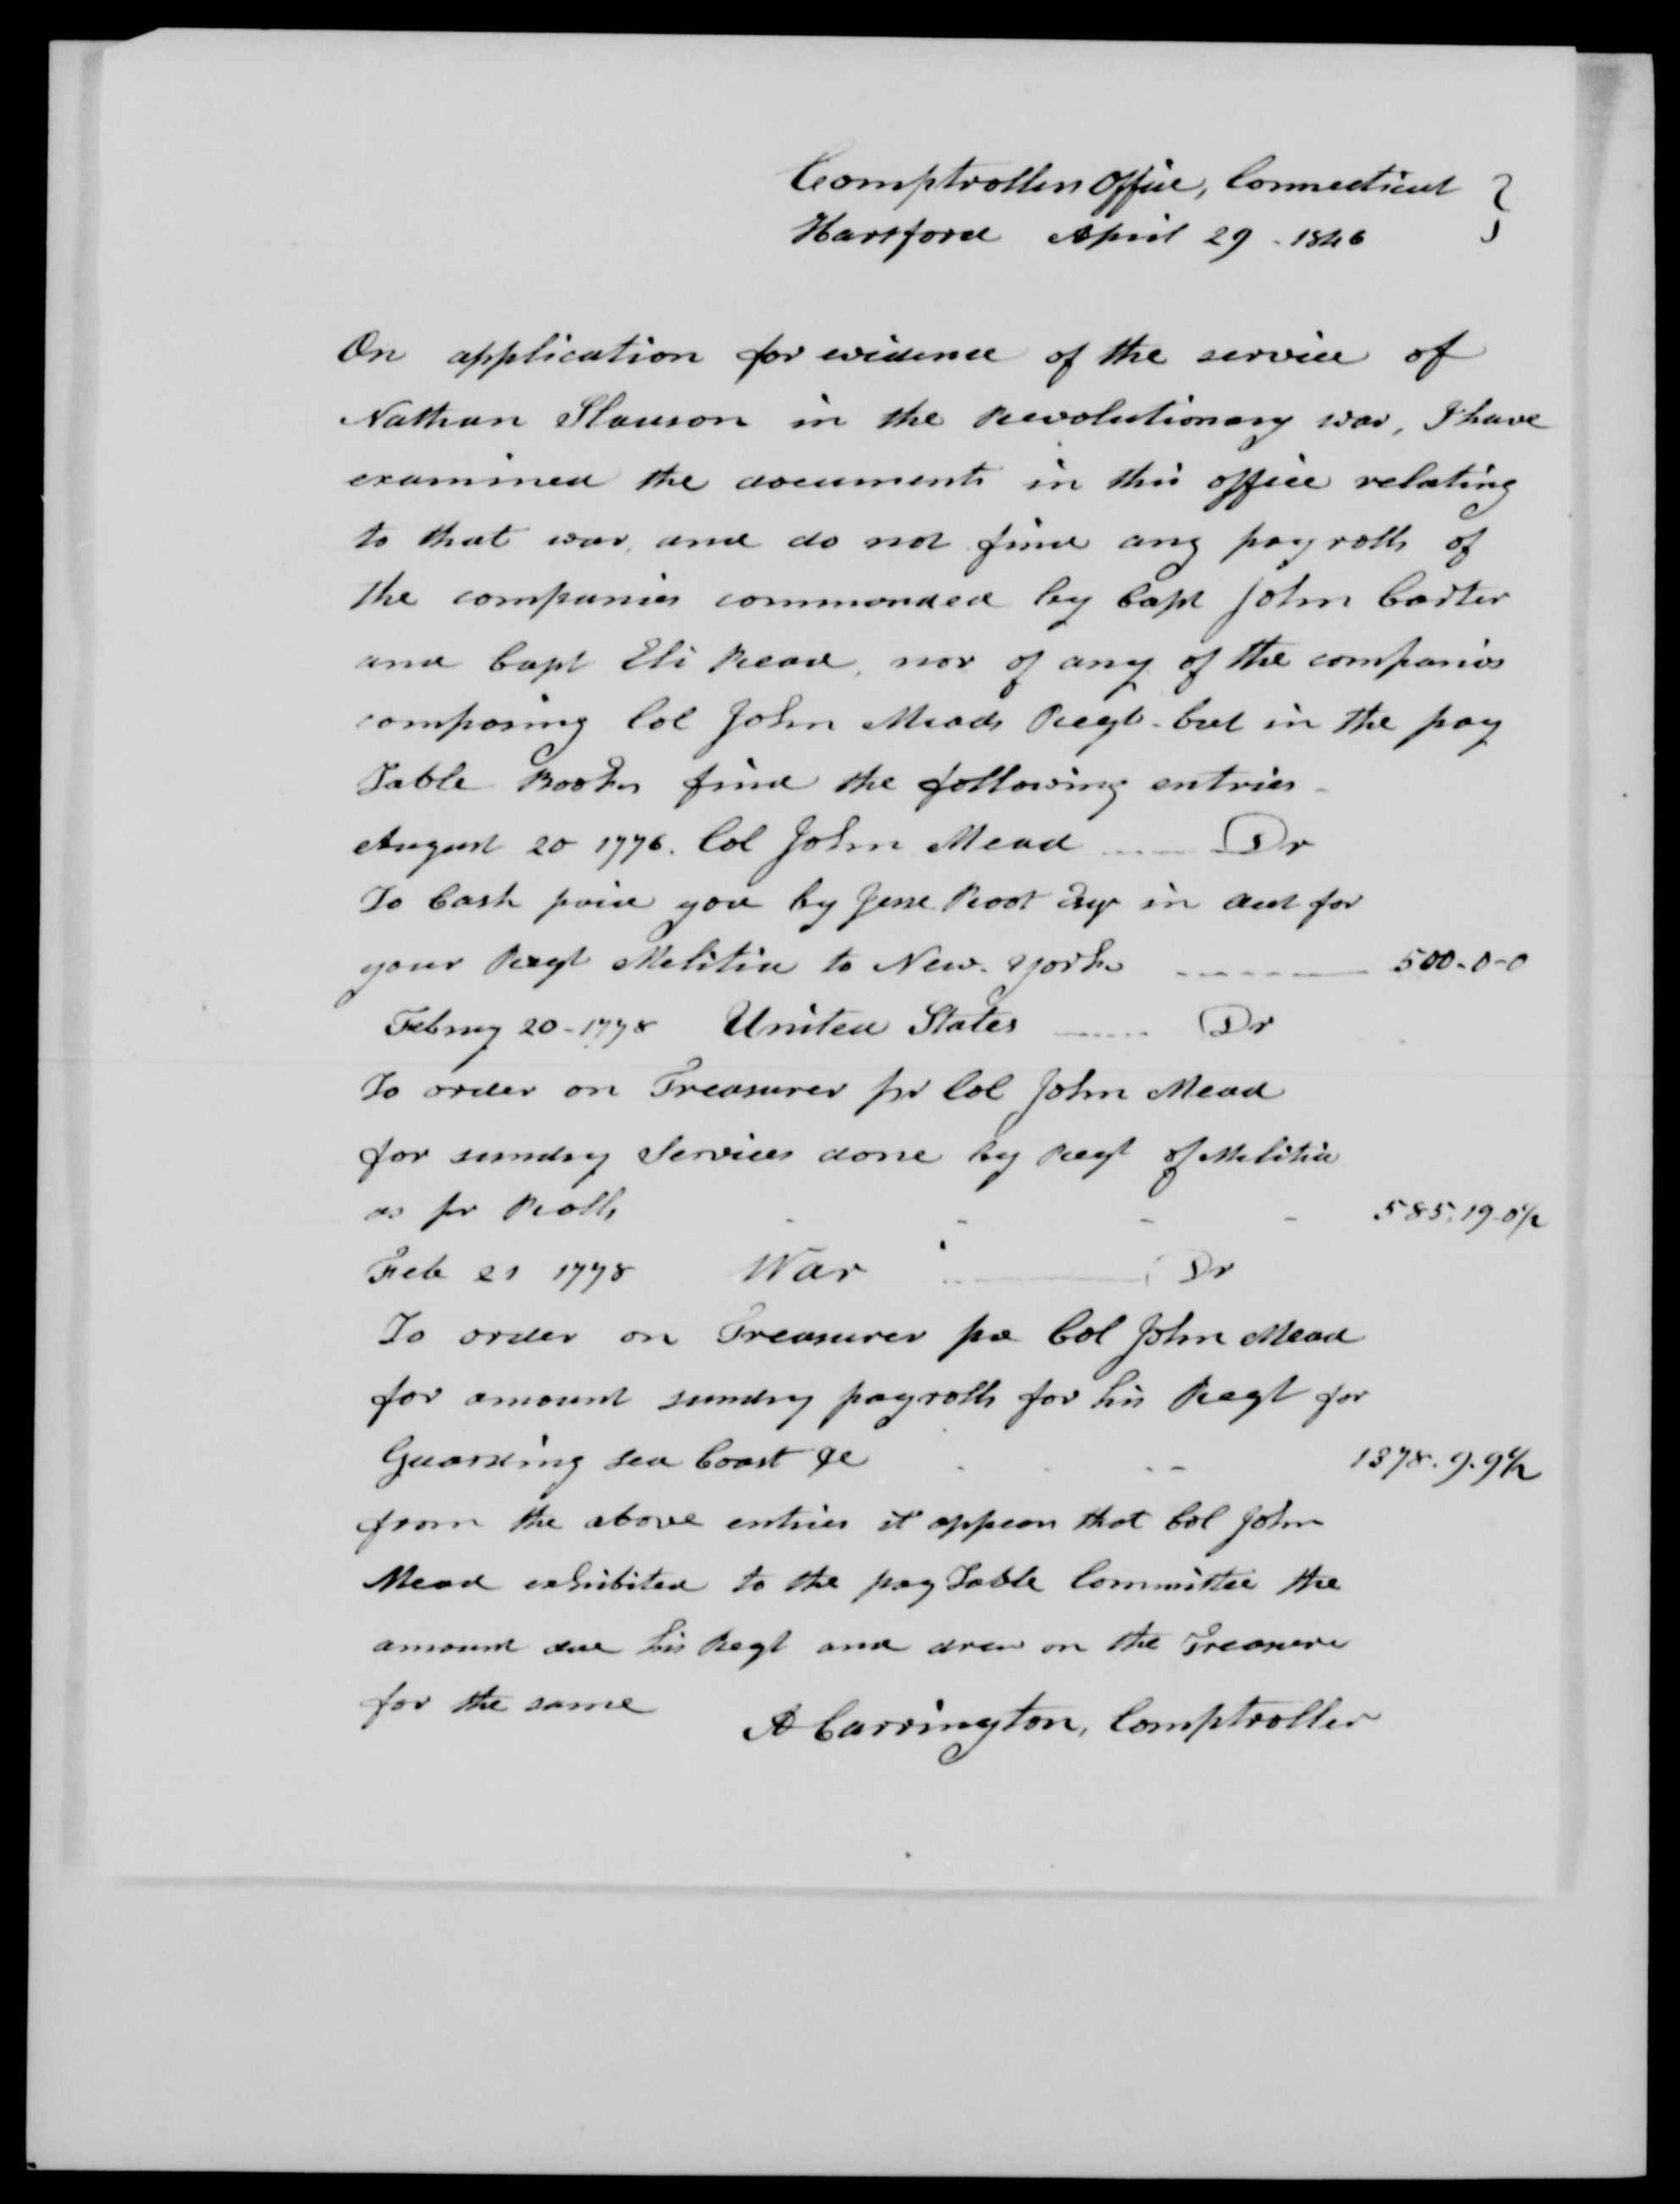Comptrollers Office, Connecticut Hartford April 29 1846} 
On application for evidence of the service of Nathan Slawson in the Revolutionary war, I have examined the documents in this office relating to that war, and do not find any payrolls of the companies commanded by Capt John Carter and Capt Eli Read, nor of any of the companies composing Col. John Meads Regt. but in the pay Table Books find the following entries: 
August 20 1776. Col John Mead S r 
To Cash paid you by Jesse Root Esqr in acct for your Regt Militia to New York --- 500-0-0
Februy 20, 1778 United States S r 
To order on Treasurer for Col John Mead for sundry Services done by Regt of Militia as for Rolls --  585-19-0 ½ 
Feb 21 1778 War S r 
To order on Treasurer for Col John Mead for amount sundry payrolls for his Regt for Guarding sea coast &c 1378.9.9 ½ 
from the above entries it appears that Col John Mead exhibited to the pay Table Committee the amount due his Regt and drew on the Treasurer for the same 
A Carrington, Comptroller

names: Eli Read; Jesse Root; John Carter; John Mead; John Mead; John Mead; John Mead; A Carrington; Nathan Slawson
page: 58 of 87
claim: widow's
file: W. 22,226, for Nathan Slawson, Connecticut